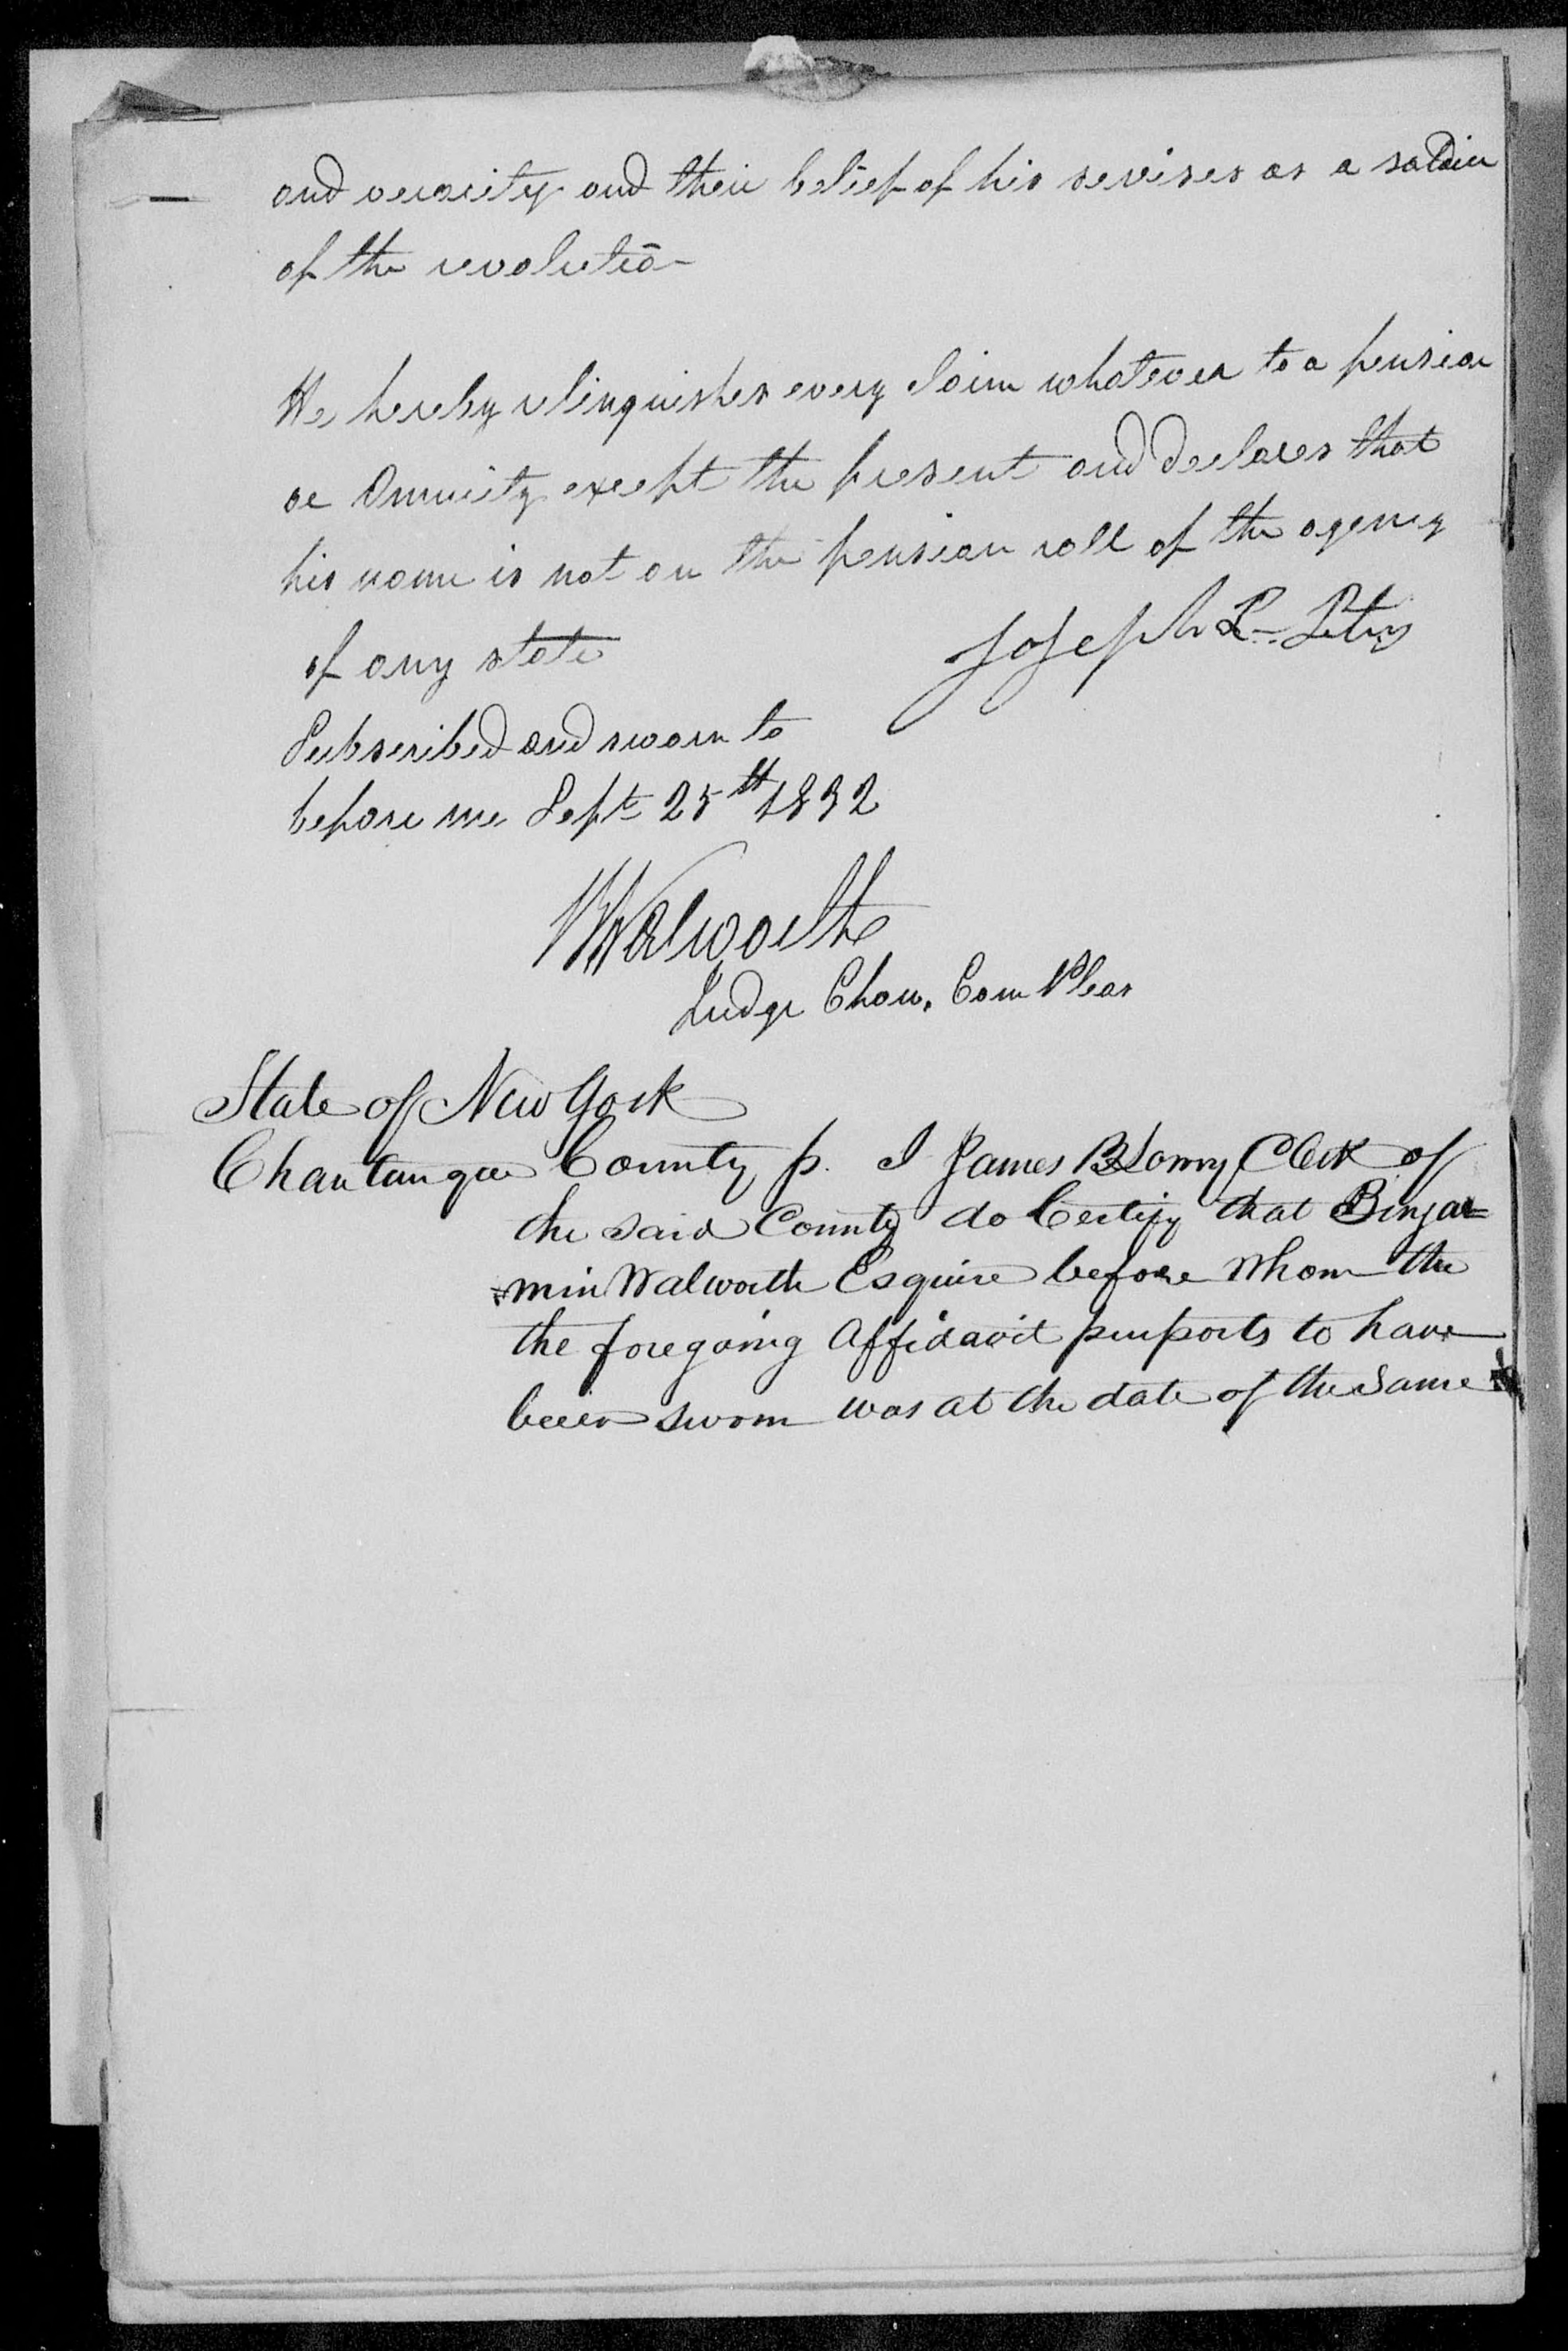and veracity and their belief of his services as a soldier of the revolution.
He hereby relinquishes every claim whatever to a pension or annuity except the present and declares that his name is not on the pension roll of the agency of any state. 
Joseph P. Peters
Subscribed and sworn to before me Sept 25th 1832 
B. Walworth Judge Chau Com Pleas 
State of New York 
Chautauqua County ss I James B Lowry Clerk of the said County do Certify that Benjamin Walworth Esquire before whom the the foregoing affidavit purports to have been sworn was at the date of the same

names: Benjamin Walworth; James B Lowry; Joseph P Peters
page: 14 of 73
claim: widow's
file: W. 2338, for Joseph P Peters, Connecticut